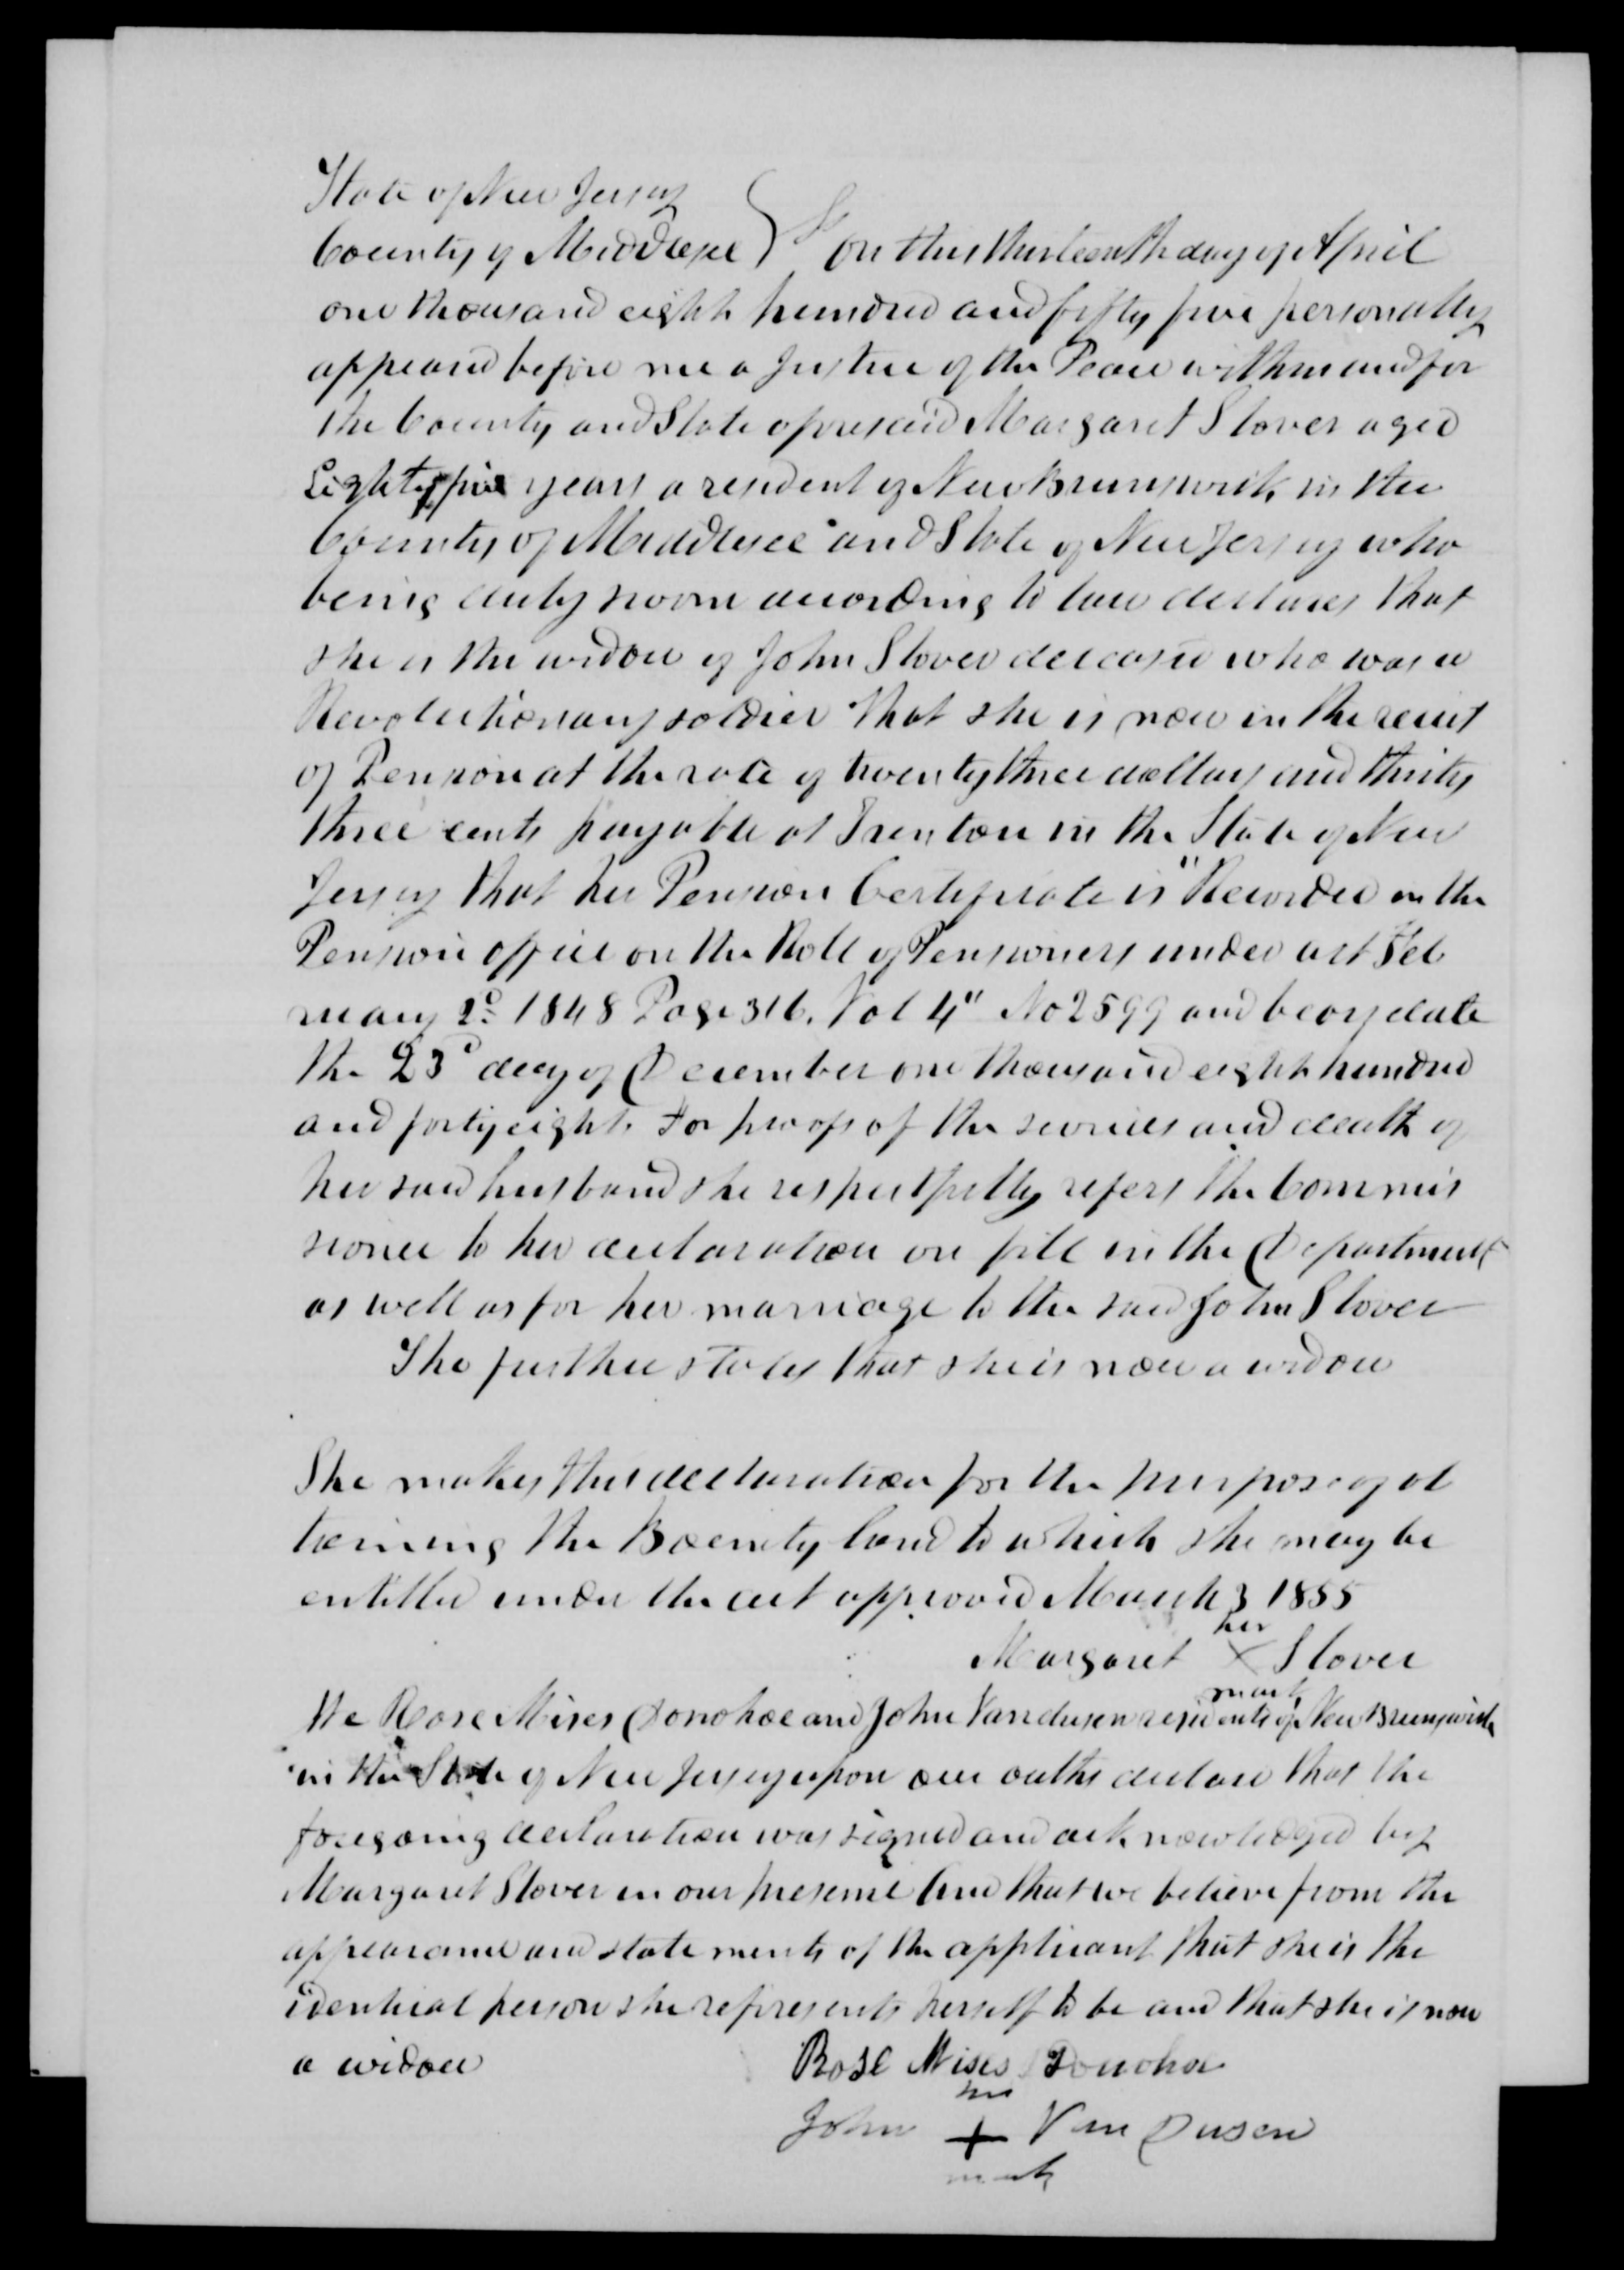State of New Jersey
County of Middlesex//

On the Thirteenth day of April One Thousand Eight Hundred and Fifty five personally appeared before me, a Justice of the Peace within and for the County and State aforesaid, Margaret Slover, aged Eighty five years, a resident of New Brunswick in the County of Middlesex and State of New Jersey, who being duly sworn according to law declares that she is the widow of John Slover, deceased, who was a Revolutionary Soldier. That she is now in the receipt of pension at the rate of Twenty three dollars and Thirty three cents, payable at Trenton in the State of New Jersey. That her Pension Certificate is recorded in the Pension Office on the Roll of Pensioners under Act February 2nd 1848; Page 316; Vol. 4th; No. 2599; and bearing date the 23rd day of December One Thousand Eight Hundred and Forty eight. For proof of the services and death of her said husband, she respectfully refers the Commissioner to her declaration on file in the department as well as for her marriage to the said John Slover. She further states that she is now a widow.

She makes this declaration for the purpose of obtaining the Bounty Land to which she may be entitled under the act approved March 3, 1855.
s/ Margaret Slover (X - her mark)

We, Rose Mires Donahoe, and John Van Dusen, residents of New Brunswick in the State of New Jersey, upon our oaths declare that the foregoing declaration was signed and acknowledged by Margaret Slover in our presence and that we believe, from the appearance and statements of the applicant, that she is the identical person she represents herself to be and that she is now a widow.
s/ Rose Mires Donahoe
s/ John Van Dusen (X - his mark)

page: 17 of 46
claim: widow's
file: W. 6205, for John Slover, New Jersey